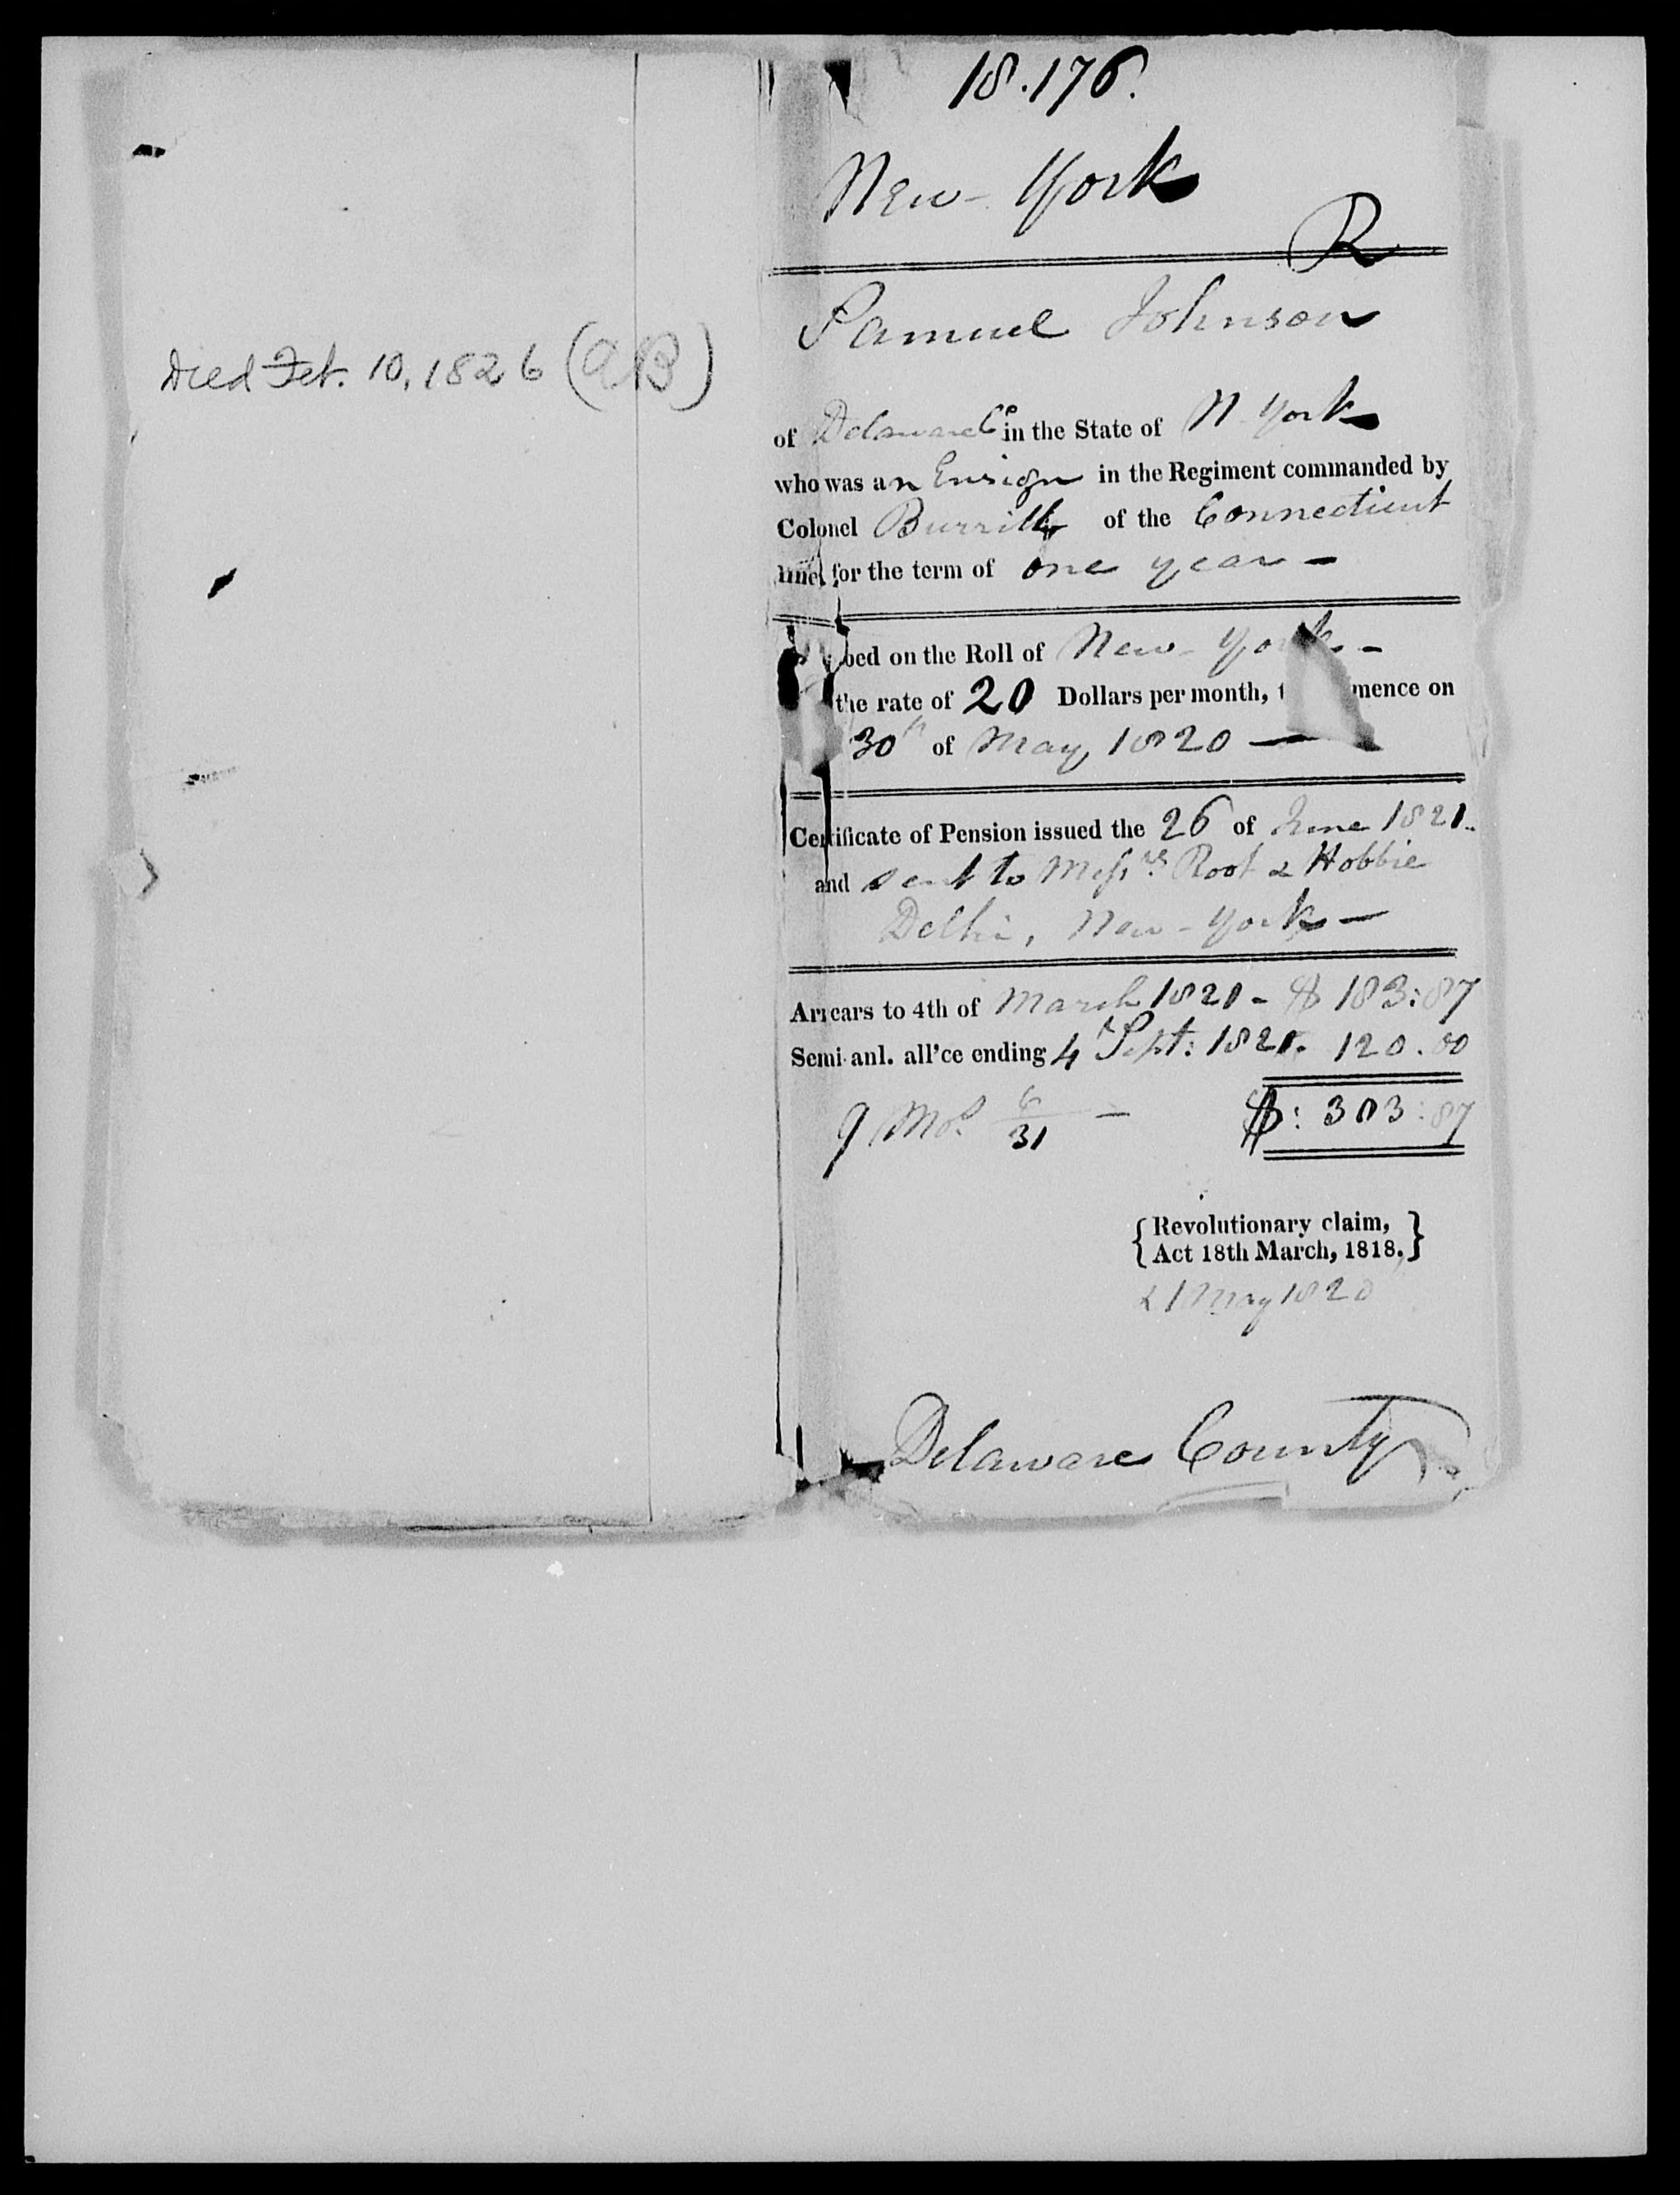Died Feb. 19, 1826 (AB)
18,176
New York
R
Samuel Johnson
of Delaware in the State of N York who was an Ensign in the Regiment commanded by Colonel Burrill of the Connecticut line for the term of one year.
[Inscribed ]on the roll of New York (at) the rate of 20 dollars per month, [to commence] on [the] 30th of May 1820-

Certificate of Pension issued the 26 of June 1821 and sent to Messes. Root & Hobbie Delhi, New York

Arrears to the 4th of March 1821 - $183.87
Semi-anl. all'ce ending 4th Sept. 1821 - 120.00
9 mos. 6/21 = 303.87

Revolutionary claim, Act 18th March, 1818.
21 May 1829

Delaware County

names: [BLANK] Hobbie; Samuel Johnson; [BLANK] Root; [BLANK] Burrill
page: 2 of 43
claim: rejected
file: R. 5655, for Samuel Johnson, Connecticut